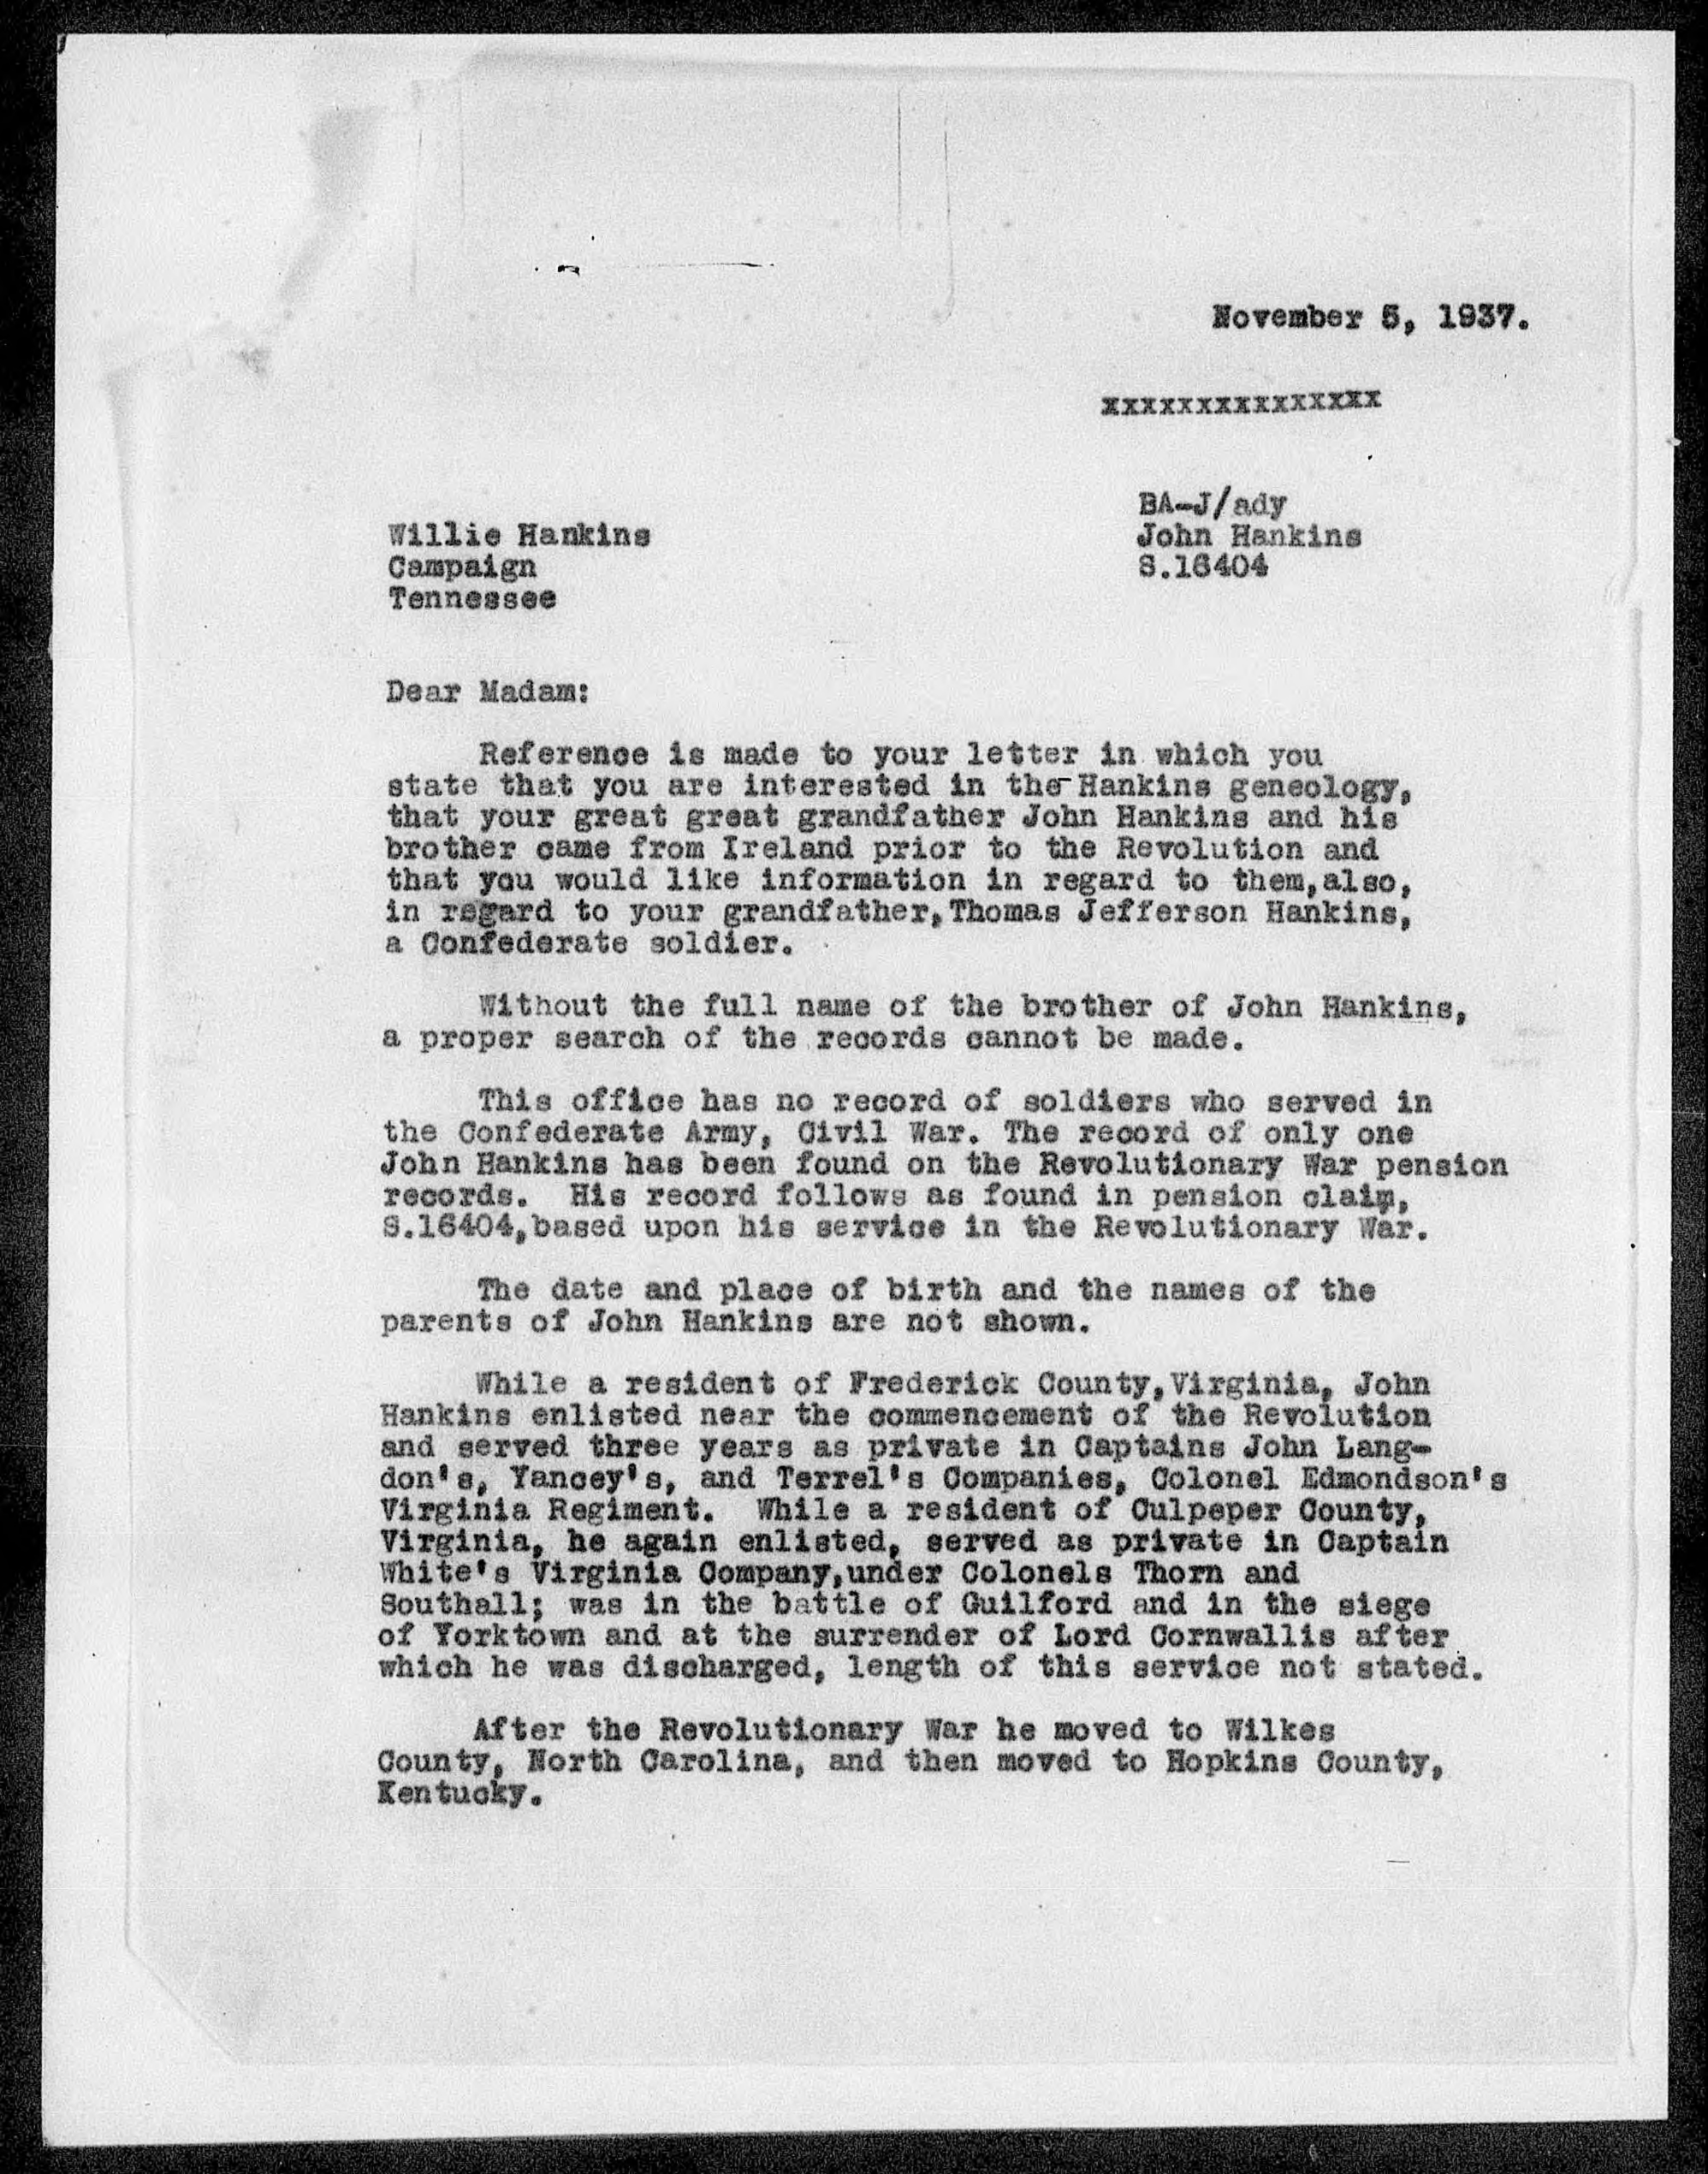November 5, 1937

Willie Hankins
Campaign
Tennessee

BA-J/ady
John Hankins
S.16404

Dear Madam:
Reference is made to your letter in which you state that you are interested in the Hankins geneology, that your great great grandfather John Hankins and his brother came from Ireland prior to the Revolution and that you would like information in regard to them, also, in regard to your grandfather, Thomas Jefferson Hankins, a Confederate Soldier.
Without the full name of the brother of John Hankins, a proper search of the records cannot be made.
This office has no record of soldiers who served in the Confederate Army, Civil War. The record of only one John Hankins has been found on the Revolutionary War pension records. His record follows as found in pension claim, 9.16404, based upon his service in the Revolutionary War.
The date and place of birth and the names of the parents of John Hankins are not shown.
While a resident of Frederick County, Virginia, John Hankins enlisted near the commencement of the Revolution and served three years as private in Captains John Langdon's, Yancey's, and Terrel's Companies, Colonel Edmondson's Virginia Regiment. While a resident of Culpepper County, Virginia, he again enlisted, served as private in Captain White's Virginia Company, under Colonels Thorn and Southall; was in the battle of Guilford and in the siege of Yorktown and at the surrender of Lord Cornwallis after which he was discharged, length of this service not stated.
After the Revolutionary War he moved to Wilkes County, North Carolina, and then moved to Hopkins County, Kentucky.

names: John Hankins, John Hankins, John Hankins, Thomas Jefferson Hankins, John Langdon, Willie Hankins, Thorn, John Hankins, Southall, John Hankins, Hankins, Lord Cornwallis, John Hankins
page: 9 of 19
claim: survivor's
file: S. 16404, John Hankins, Va.